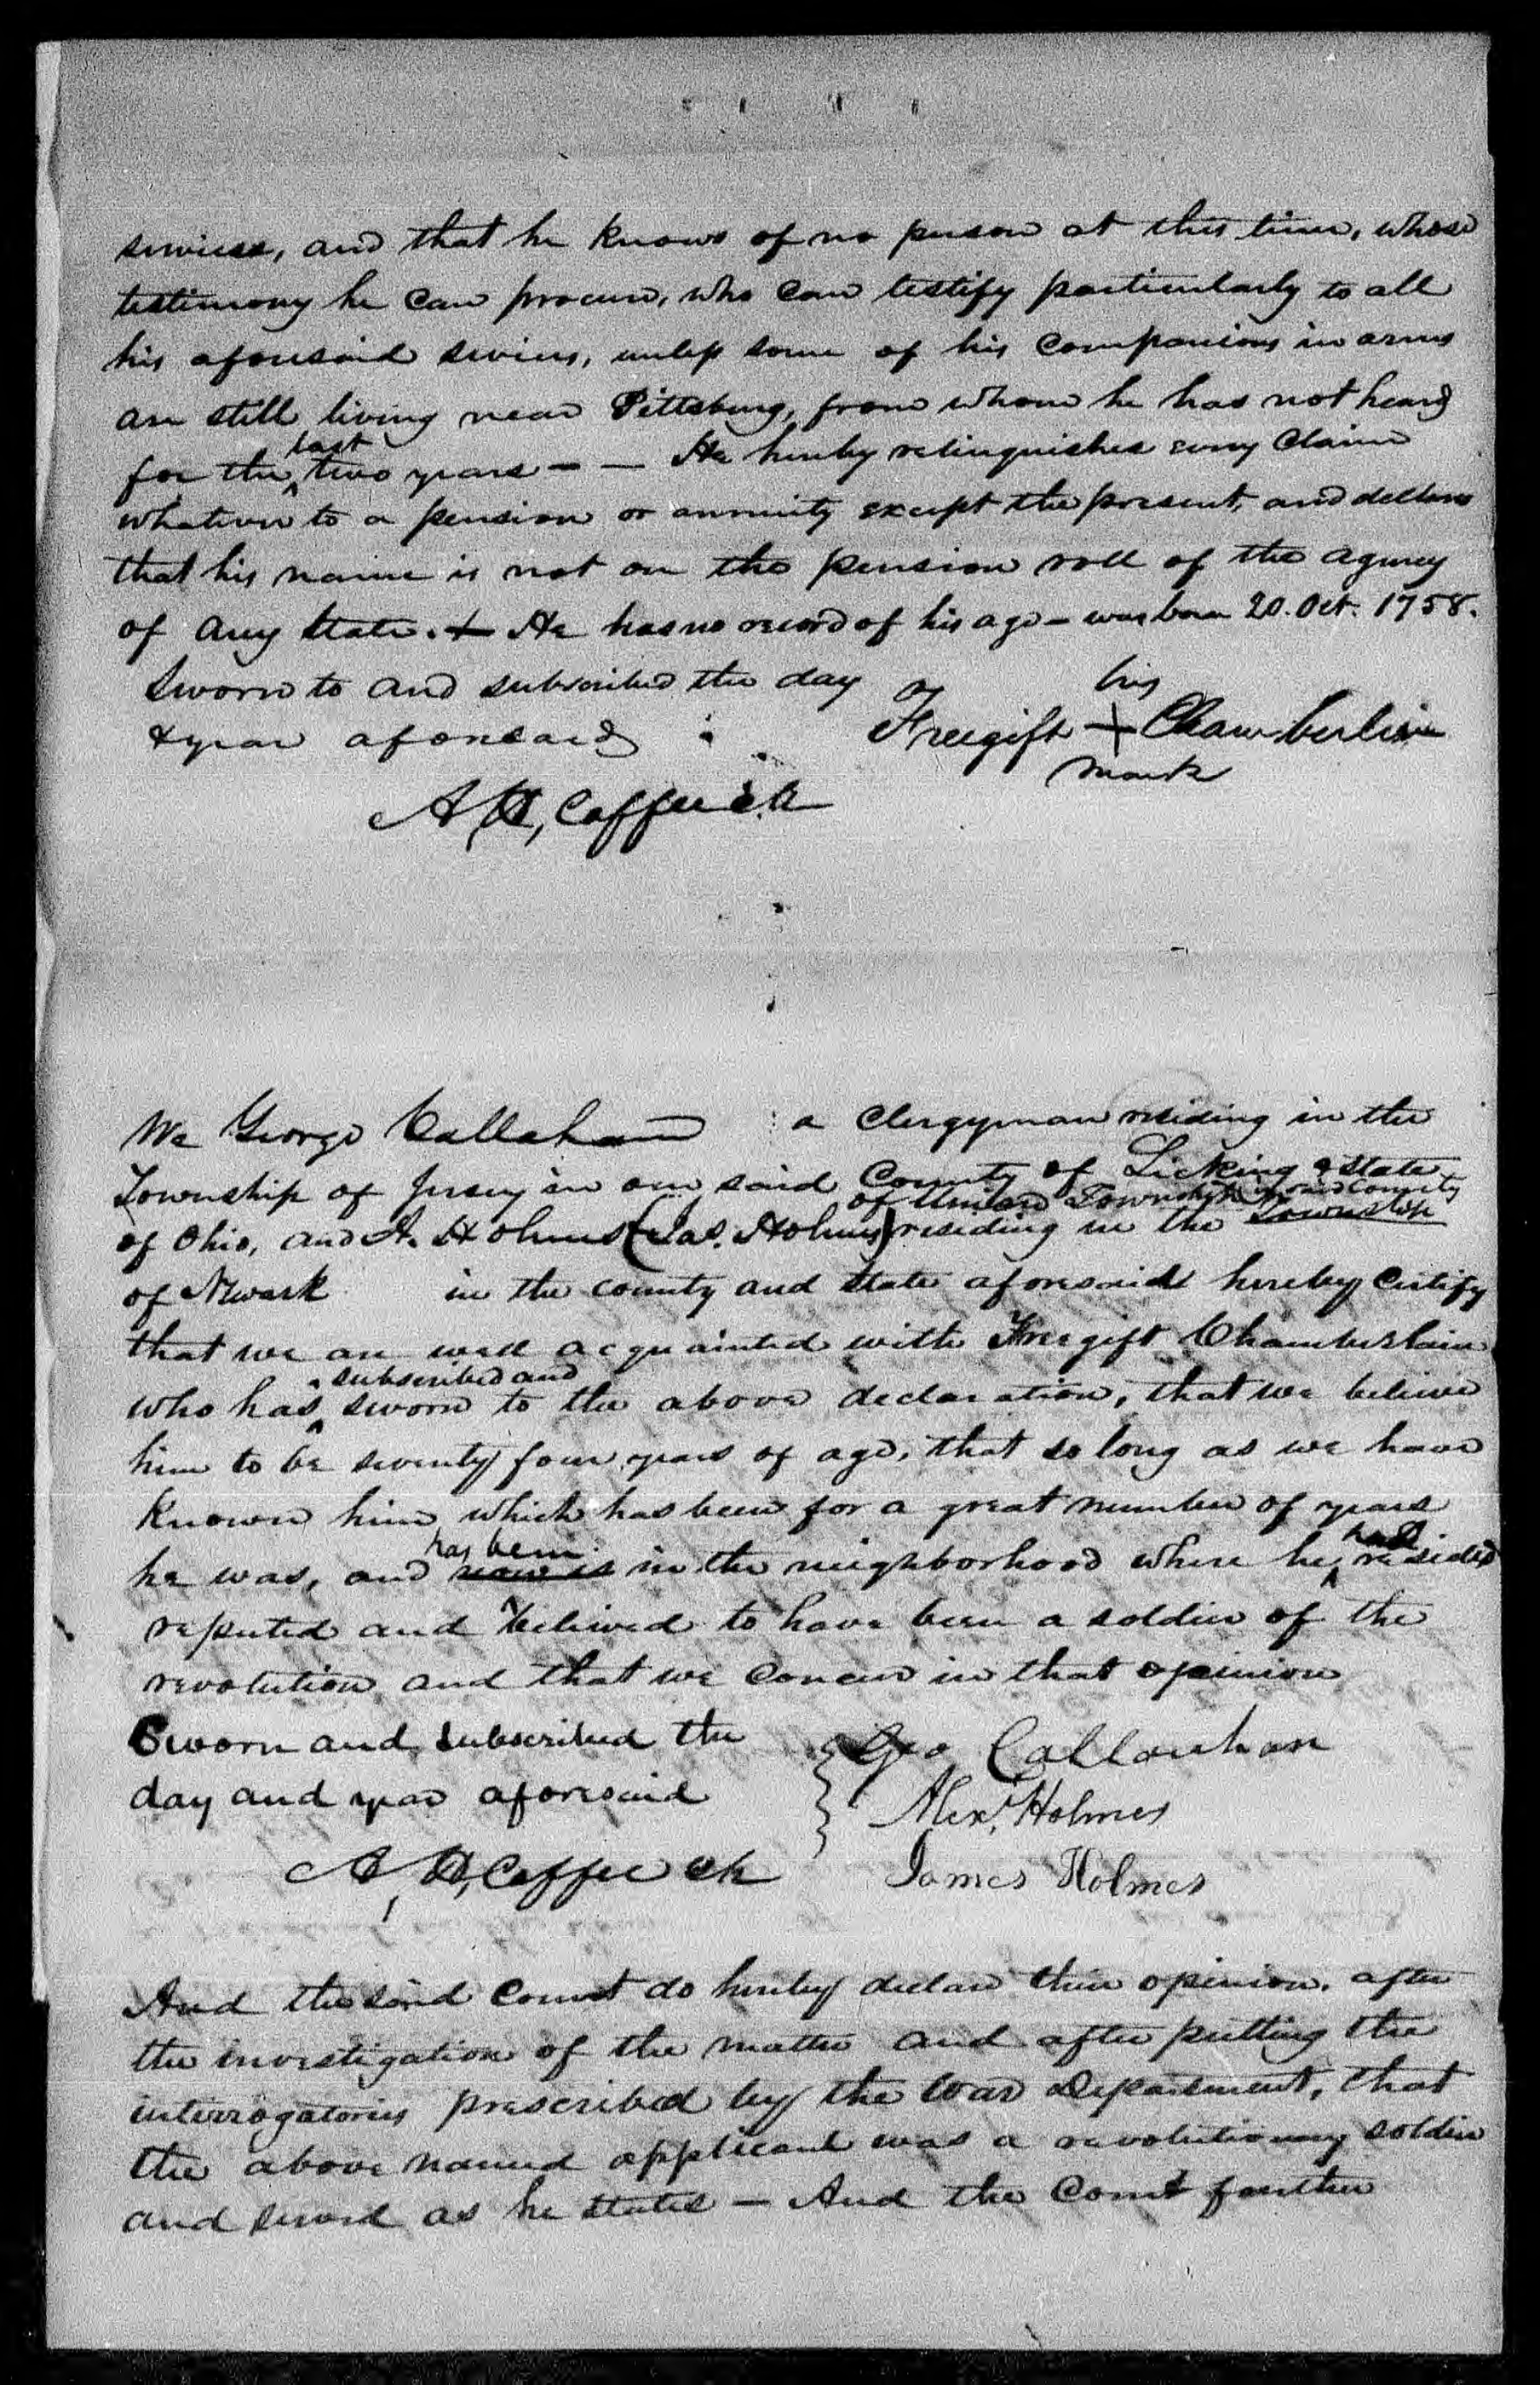services, and that he knows of no person at this time, whose testimony he can procure who can testify particularly to all his aforesaid services, unless some of his Companions in arms are still living near Pittsburg, from whom he has not heard for the last two years - He hereby relinquishes every claim whatever to a pension or annuity except the present and declare that his name is not on the pension roll of the agency of any State. He has no record of his age - was born 20 Oct. 1758 
Sworn to and subscribed the day by & year aforesaid 
Freegift Chamberlin  his mark
A H. Coffee 
We George Callahan a Clergyman residing in the Township of Jersey in our said County of Licking [unreadable] Township in said County and State of Ohio, and Alex Holmes (Jas Holmes) residing in the Township of Newark in the County and State aforesaid hereby certify that we are well acquainted with Freegift Chamberlain who has subscribed and sworn to the above declaration, that we believe him to be seventy four years of age, that so long as we have known him, which has been for a great number of years he was and is in the neighborhood where he resides reputed and believed to have been a soldier of the revolution, and that we concur in that opinion    
Sworn and subscribed the day and year aforesaid A. H. Coffee Clk
Geo Callahan 
Alex Holmes 
James Holmes  
And the said Court do hereby declare their opinion, after the investigation of the matter and after putting the interrogatories prescribed by the war department, that the above named applicant was a revolutionary soldier and served as he states. And the Court further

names: Alex Holmes, Jas Holmes, Geo Callanhan, Freegift Chamberlian, A Holmes, A H Coffee, Freegift Chamberlain, James Holmes, A H Coffee, George Callahan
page: 6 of 18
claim: survivor's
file: S. 3151, Freegift Chamberlain, Penn.